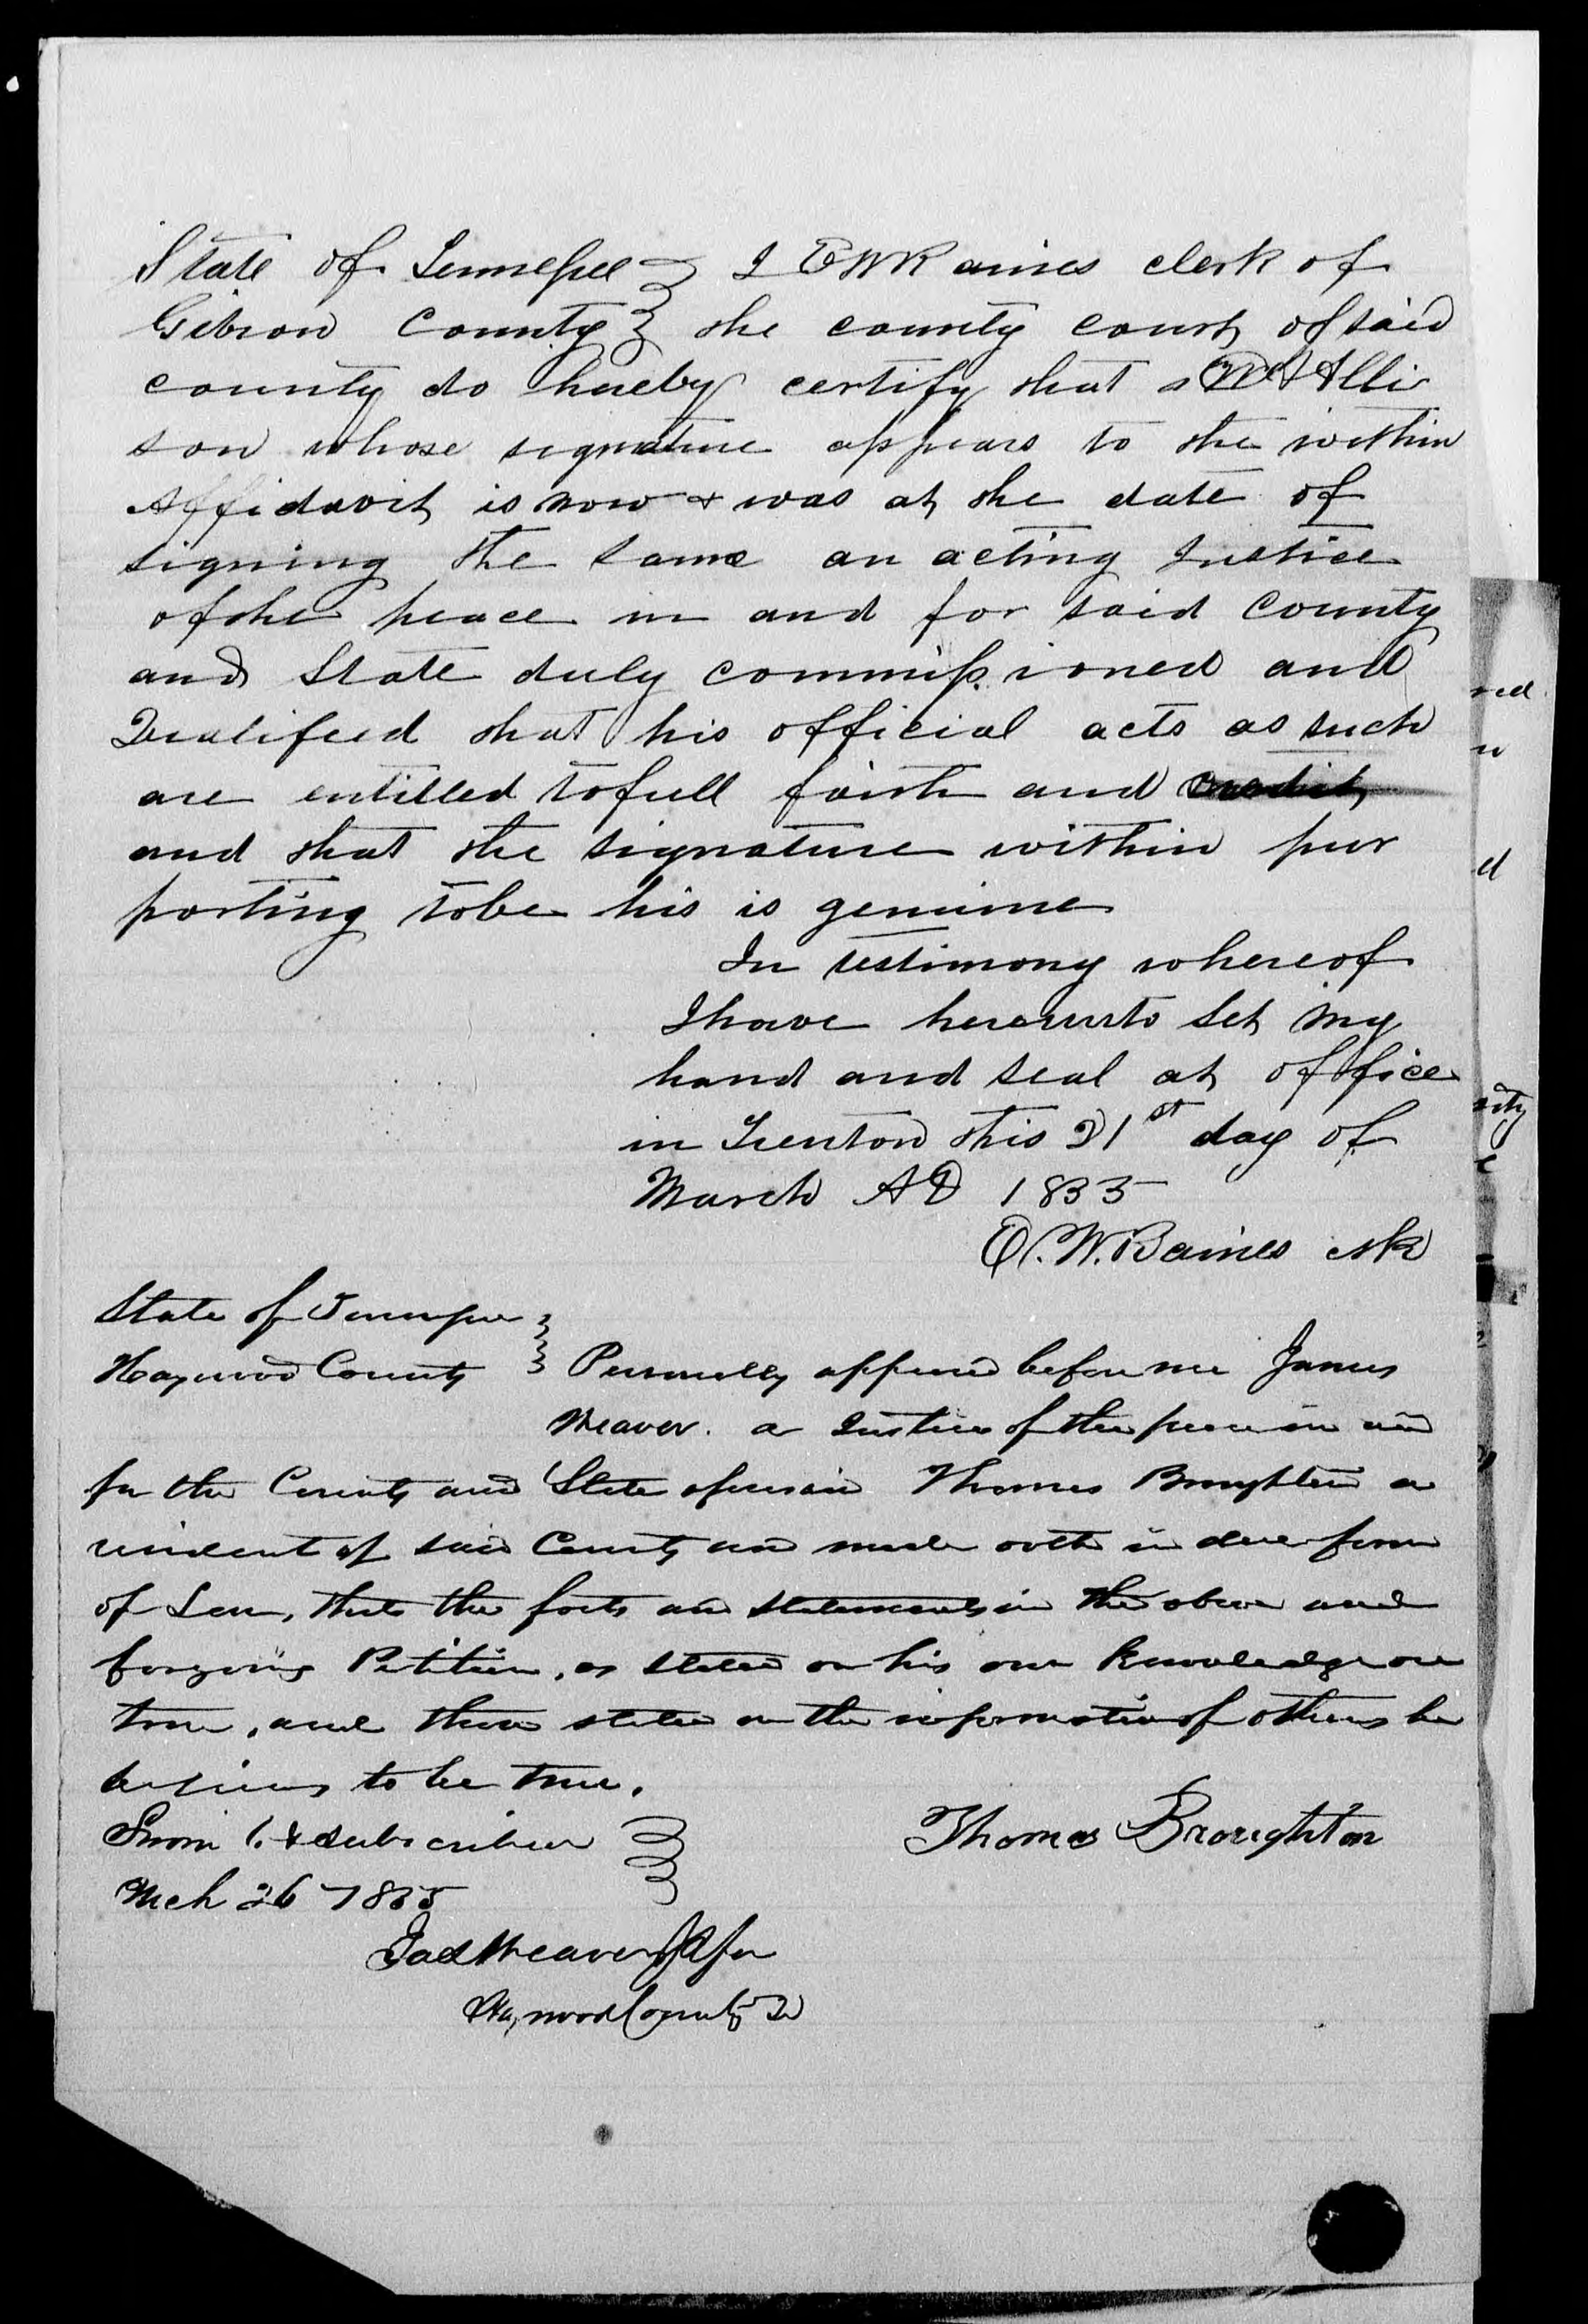State of Tennessee}
Gibson County}
I E W Raines Clerk of the county court of said county do hereby certify that a W A Allison whose signature appears to the within Affidavit is now & was at the date of signing the same an acting Justice of the peace in and for said County and State duly commissioned and Qualified that his official acts as such are entitled to full faith and credit and that the signature within purporting to be his is genuine
In testimony whereof I have hereunto set my hand and seal of office in Trenton this 21st day of March AD 1833-
[signature] E. W. Raines Clk
State of Tennessee}
Haywood County}
Personally appeared before me James Weaver, a Justice of the peace in and for the County and State aforesaid Thomas Broughton a resident of said County and made oath in due form of law, that the facts and statements in the above and forgoing [foregoing] Petition, as stated on his own knowledge are true, and those stated are the information of others he believes to be true.
[[signature] Thomas Broughton
Sworn & subscribed}
Mch 26 1835}
[signature] Jas Weaver JP for 
Haywood County Tn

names: James Weaver, Thomas Broughton, E W Raines, Jas Weaver, Thomas Broughton, E W Raines, W A Allison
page: 46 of 72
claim: widow's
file: W. 897, Thomas Broughton, S.C.